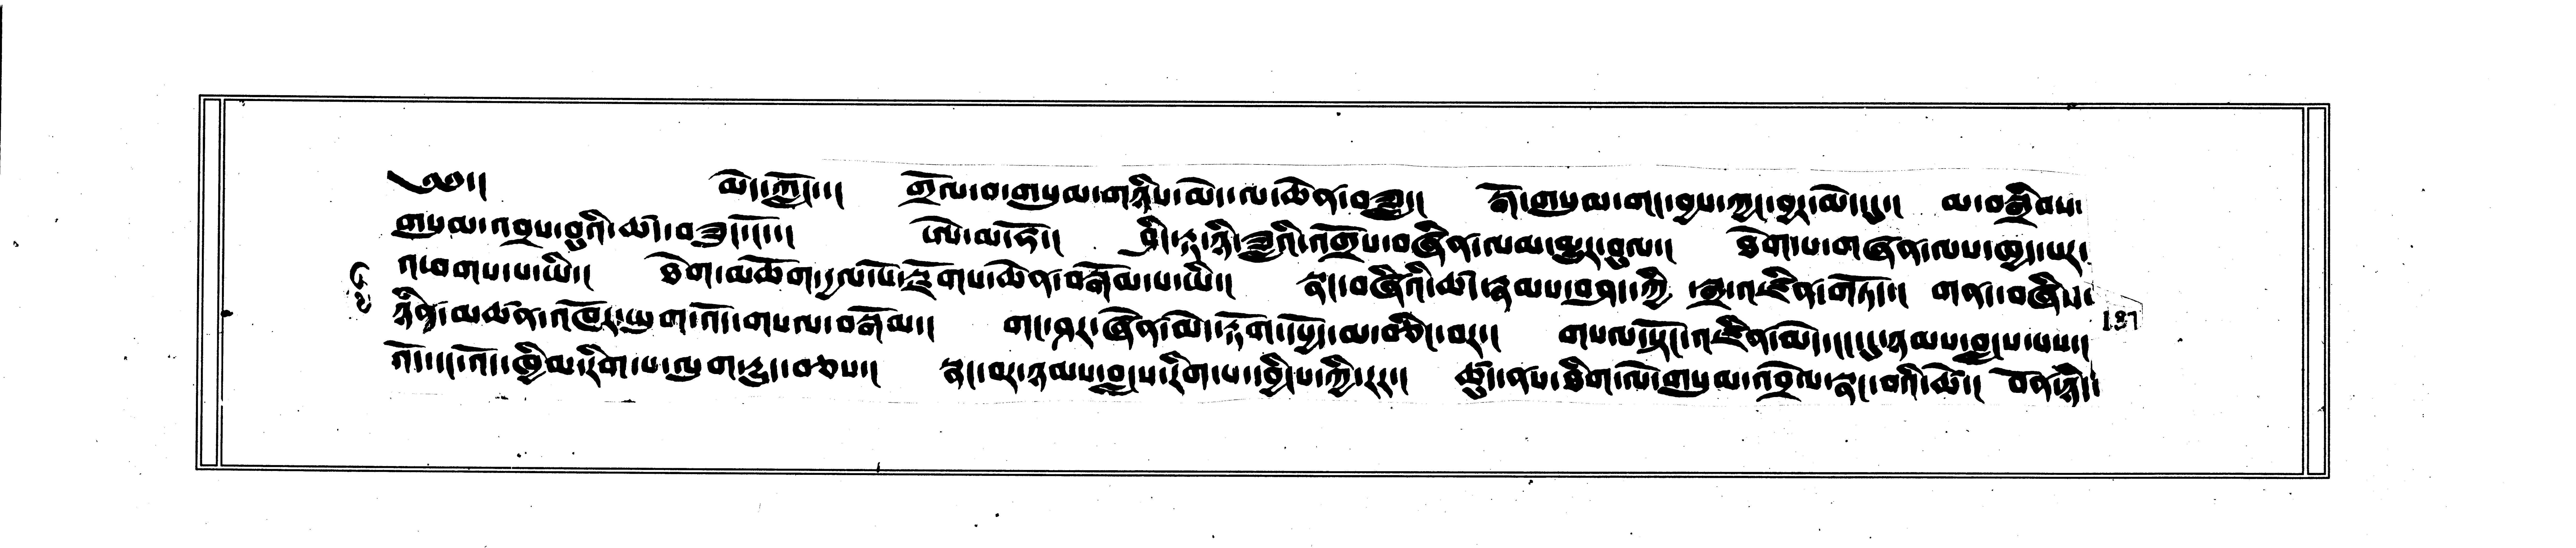མེད་ཀློང་། །གྲོལ་བ་གསུམ་གཉིས་མེད་ལ་ཆེན་བཟླ། །སྒོ་གསུམ་གང་བྱས་ཀྱང་བྱར་མེད་དུ། །མ་བསྒྲིབས་
གསུམ་འབྲས་བུའི་ཚད་བཟུང་ངོ་། །ཨེ་མ་ཧོ། ཤིང་རྟ་ཉི་ཟླའི་འགྲོས་བཞིན་ལམ་མྱུར་བུལ། །ཐེག་པ་གཞན་ལས་ཁྱད་པར་
འཕགས་པ་ཡི། །ཐེག་མཆོག་རྒྱལ་པོ་རྫོགས་ཆེན་བསྒོམ་པ་ཡི། །སྣང་བཞིའི་ཚད་རྣམས་བཤད་ཀྱི་སྒྲ་འཛིན་གཏོད། །གནད་བཞིས་
ཉིན་མཚན་ཁོར་ཡུག་འོད་གསལ་བསྒོམ། །གང་ཤར་ཞེན་མེད་རྟོག་དཔྱོད་མ་བཅིང་བར། །གསལ་སྟོང་འཛིན་མེད་ངང་དུ་ཉམས་བླང་པས། །
འོད་དང་འོད་ཁྱིམ་རིག་པ་ལུག་རྒྱུད་བཅས། །སྣང་བར་ཉམས་བླང་རིག་པ་དབྱིངས་ཀྱི་རང་། །ཚུད་ནས་ཐིག་ལེ་གསུམ་འབྲེལ་སྣང་བའི་ཚེ། །བོན་ཉིད་